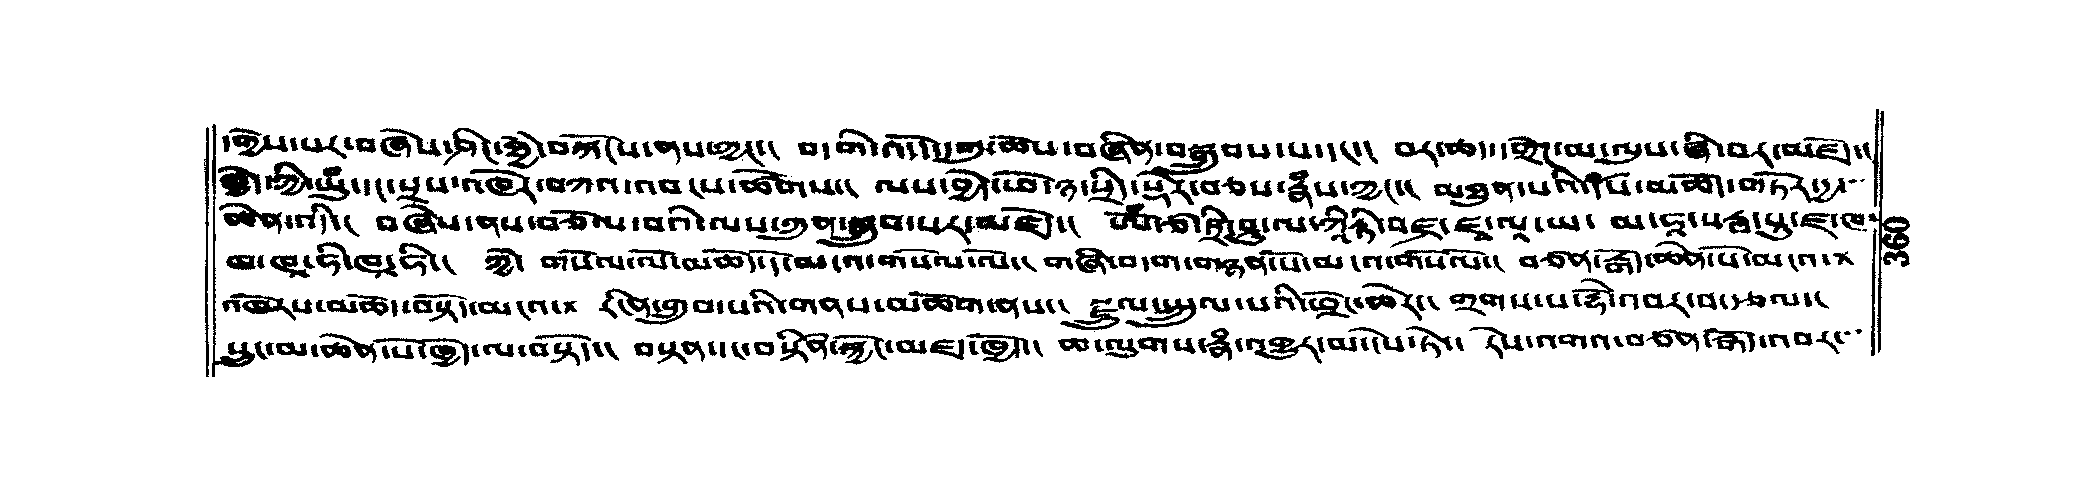དགྱེས་པར་བཞེས་ཤིང་ཐུགས་དམ་བསྐངས་ནས་ཀྱང་། །བདག་གི་འདོད་དགུ་ཆོས་བཞིན་བསྒྲུབས་པ་དང་། །བར་ཆད་དགྲ་གེགས་མ་ལུས་ཞི་བར་མཛོད། །
ཁྱེད་ཀྱི་ཡུམ་དང་སྲས་འཁོར་བཀའ་འབངས་ཚོགས། །ལས་བྱེད་ཕོ་ཉ་སྲིད་སྡེར་བཅས་རྣམས་ཀྱང་། །མཐུན་པའི་དམ་རྫས་མཆོད་་གཏོར་རྒྱ་
ཆེན་འདི། ཀྱེ། གསོལ་ལོ་མཆོད་དོ་མངའ་གསོལ་ལོ། །ཨོྃ་ཙ་ཏྲི་ཤུ་ལ་ཀཱིརྟི་བཛྲ་ཛྭ་ལཱ་ཡ། མ་ཧཱ་སརྦ་པུ་ཛ་ཁ་
ཁ་ཁཱ་ཧི་ཁཱ་ཧི། ཀྱེ། གསོལ་ལོ་མཆོད་དོ་མངའ་གསོལ་ལོ། །གཞི་བདག་གཉན་པོ་མངའ་གསོལ་ལོ། །བཙན་རོད་ཆེན་པོ་མངའ་གསོལ་ལོ། །
འཁོར་བཅས་མཆོད་བསྟོད་མངའ་གསོལ་ལོ། །རང་བཞིན་གྲུབ་པའི་གནས་མཆོག་ནས། །རྫུ་འཕྲུལ་སྤྲུལ་པའི་ཕོ་བྲང་ཆེར། །གྲགས་པ་རྡོ་རྗེ་འབར་བ་རྩལ། །
སྲུང་མ་ཆེན་པོ་ཁྱོད་ལ་བསྟོད། །བསྟན་དང་བསྟན་འཛིན་སྐྱོང་མཛད་ཁྱོད། །ཆ་ལུགས་རྣམ་འགྱུར་མ་ངེས་ཏེ། །རེས་འགའ་བཙན་རྒོད་འབར་